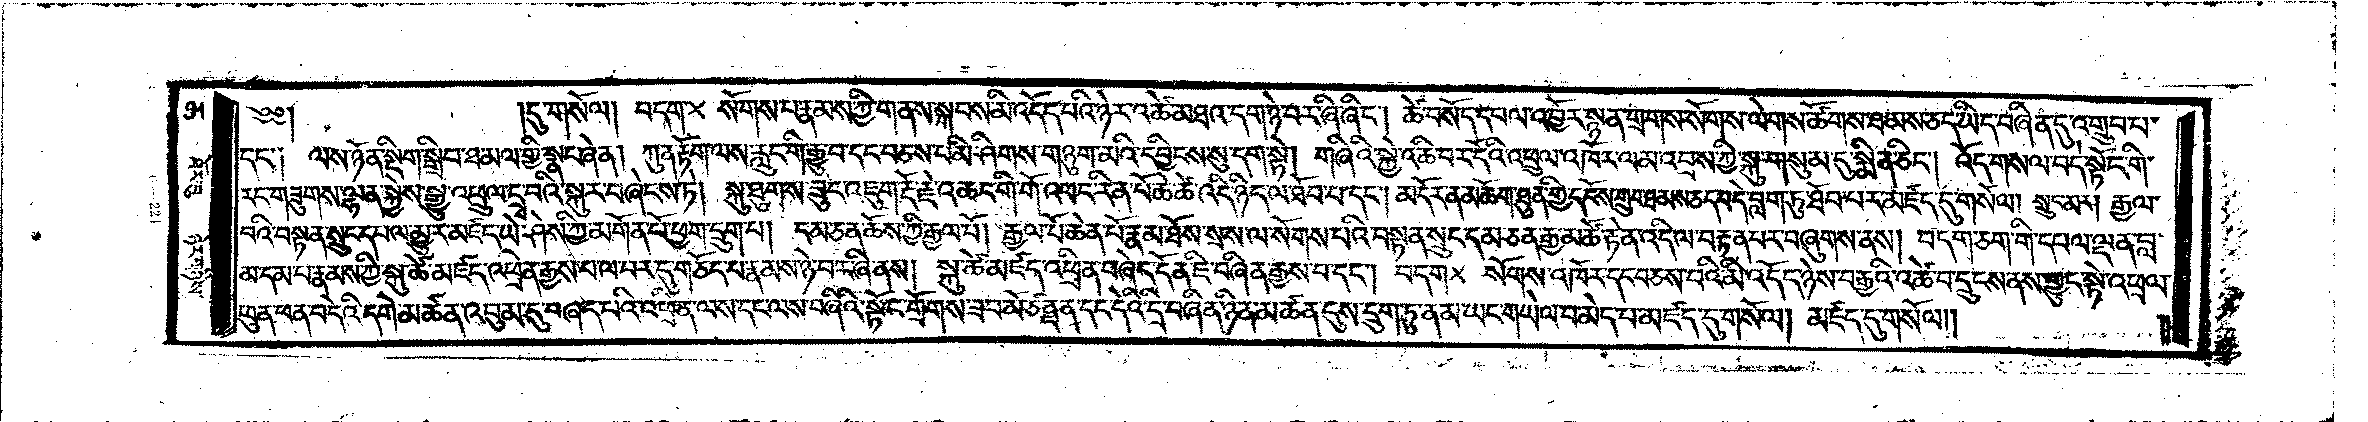༄༅། །དུ་གསོལ། བདག་྾་སོགས་པ་རྣམས་ཀྱི་གནས་སྐབས་མི་འདོད་པའི་ཉེར་འཆེ་མཐའ་དག་ཉེ་བར་ཞི་ཞིང་། ཚེ་བསོད་དཔལ་འབྱོར་སྙན་གྲགས་སོགས་ལེགས་ཚོགས་ཐམས་ཅད་ཡིད་བཞིན་དུ་འགྲུབ་པ་
དང་། ལས་ཉོན་སྡིག་སྒྲིབ་ཐ་མལ་གྱི་སྣང་ཞེ་ན། ཀུན་རྟོག་ལས་རླུང་གི་རྒྱུ་བ་དང་བཅས་པ་མི་ཤིགས་གཉུག་མའི་དབྱིངས་སུ་དག་སྟེ། གཞིའི་སྐྱེ་འཆི་བར་དོའི་འཕྲུལ་འཁོར་ལམ་འབྲས་ཀྱི་སྐུ་གསུམ་དུ་སྨིན་ཅིང་། འོད་གསལ་བདེ་སྟོང་གི་
རང་གཟུགས་ལྷན་སྐྱེས་སྒྱུ་འཕྲུལ་དྲྭ་བའི་སྐུར་བཞེངས་ཏེ། སྐུ་ཐུགས་ཟུང་འཇུག་རྡོ་རྗེ་འཆང་གི་གོ་འཕང་རིན་པོ་ཆེ་ཚེ་འདི་ཉིད་ལ་ཐོབ་པ་དང་། མདོར་ན་མཆོག་ཐུན་གྱི་དངོས་གྲུབ་ཐམས་ཅད་བདེ་བླག་ཏུ་ཐོབ་པར་མཛད་དུ་གསོལ། སྲུང་མར། རྒྱལ་
བའི་བསྟན་སྲུང་དཔལ་མྱུར་མཛད་ཡེ་ཤེས་ཀྱི་མགོན་པོ་ཕྱག་དྲུག་པ། དམ་ཅན་ཆོས་ཀྱི་རྒྱལ་པོ། རྒྱལ་པོ་ཆེན་པོ་རྣམ་ཐོས་སྲས་ལ་སོགས་པའི་བསྟན་སྲུང་དམ་ཅན་རྒྱ་མཚོ་རྟེན་འདི་ལ་བརྟན་པར་བཞུགས་ནས། བདག་ཅག་གི་དཔལ་ལྡན་བླ་
མ་དམ་པ་རྣམས་ཀྱི་སྐུ་ཚེ་མཛད་འཕྲེན་རྒྱས་པ་ལ་བར་དུ་གཅོད་པ་རྣམས་ཉེ་བར་ཞི་ནས། སྐུ་ཚེ་མཛད་འཕྲིན་བཞེད་དོན་ཇི་བཞིན་རྒྱས་པ་དང་། བདག་྾་སོགས་འཁོར་དང་བཅས་པའི་མི་འདོད་ཉེས་བརྒྱའི་འཚེ་བ་དྲུངས་ནས་ཕྱུང་སྟེ་འཕྲལ་
ཕུན་ཕན་བདེའི་དགེ་མཚན་འབུམ་དུ་བཞད་པའི་འཕྲིན་ལས་དང་ལས་བཞིའི་སྟོང་གྲོགས་ཟབ་མོ་ཙནྡན་དང་དེའི་དྲི་བཞིན་ཉིན་མཚན་དུས་དྲུག་ཏུ་ནམ་ཡང་གཡེལ་བ་མེད་པ་མཛད་དུ་གསོལ། མཛད་དུ་གསོལ།། །།